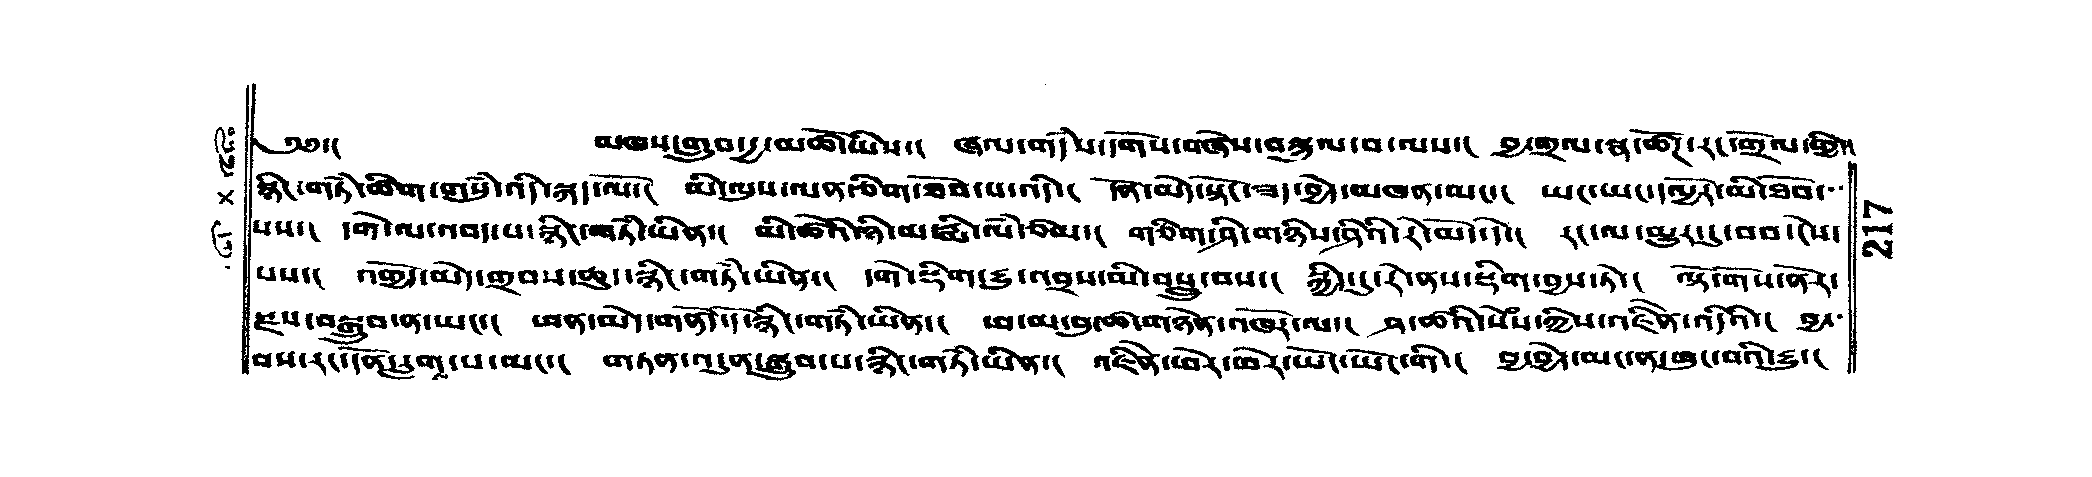མཁས་གྲུབ་རྒྱ་མཚོ་ཡིས། །ཞལ་གདམས་དགོས་ཞེས་བསྐུལ་བ་ལས། །བྱ་བྲལ་སྣ་ཚོགས་རང་གྲོལ་གྱི། །
སྙིང་གཏམ་ཚིག་གསུམ་འདི་སྐད་ལོ། །མི་ལུས་ལན་ཅིག་ཐོབ་པ་འདི། །དོན་མེད་སྟོང་ཟད་བྱེད་མཁན་མང་། །ཡང་ཡང་དལ་འབྱོར་མི་ཐོབ་
པས། །དགེ་ལ་འབད་པ་སྙིང་གཏམ་ཡིན། །མི་ཚེའི་ཉི་མ་རྨི་ལམ་ཙམ། །གཅིག་ཤི་གཉིས་ཤིའི་རོ་ལོས་དེ། །རང་ལ་མྱུར་དུ་བབ་ངེས་
པས། །འབྱོད་མེད་གྲབས་ཆུད་སྙིང་གཏམ་ཡིན། །དགེ་སྡིག་རྒྱུ་འབྲས་མི་བསླུ་བས། །སྐྱིད་དུ་རེ་ནས་སྡིག་བྱས་ཏེ། །ལྟོ་གོས་ནོར་
རྫས་བསྒྲུབས་ན་ཡང་། །ཕན་མེད་གནོད་དོ་སྙིང་གཏམ་ཡིན། །ཕ་མ་བུ་ཚ་གཉེན་འཁོར་ལ། །ཤ་ཚའི་སེམས་ཀྱིས་འཇིག་རྟེན་འདིའི། །བྱ་
བས་རང་དོན་རླགས་པ་མང་། །གཏན་འདུན་སྒྲུབ་པ་སྙིང་གཏམ་ཡིན། །འཇིག་རྟེན་ཕེར་ཕེར་ཡོང་ཡོང་གི། །བྱ་བྱེད་མང་ན་ཕུང་བའི་རྒྱུ།